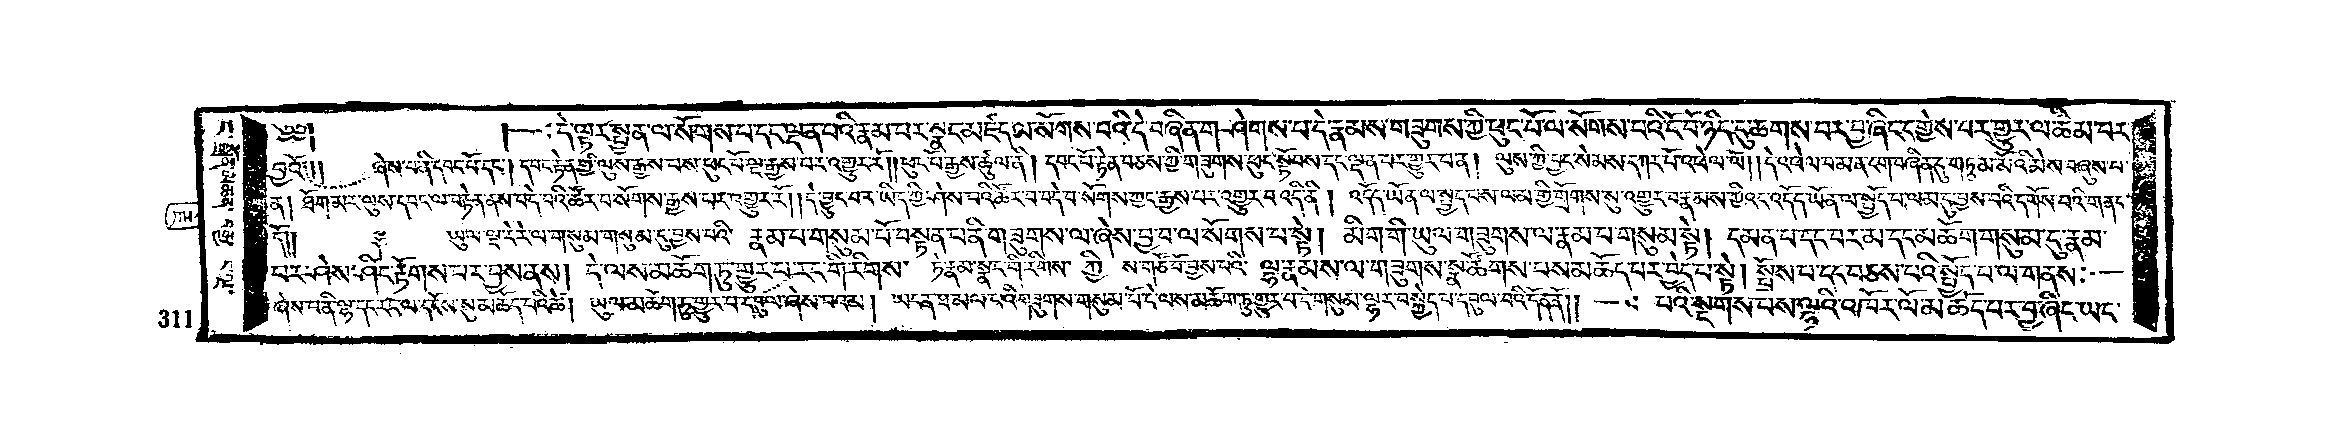༄༅། །.Hདེ་ལྟར་སྤྱན་ལ་སོགས་པ་དང་ལྡན་པའི་རྣམ་པར་སྣང་མཛད་ལ་སོགས་པའི་དེ་བཞིན་གཤེགས་པ་དེ་རྣམས་གཟུགས་ཀྱི་ཕུང་པོ་ལ་སོགས་པའི་ངོ་བོ་ཉིད་དུ་ཆགས་པར་བྱ་ཞིང་དགྱེས་པར་གྱུར་ལ་ཚིམ་པར་
བྱའོ།། ཞེས་པ་ནི་དབང་པོ་དང་། དབང་རྟེན་གྱི་ལུས་རྒྱས་པས་ཕུང་པོ་ལྔ་རྒྱས་པར་འགྱུར་རོ། །ཕུང་པོ་རྒྱས་ཚུལ་ནི། དབང་པོ་རྟེན་བཅས་ཀྱི་གཟུགས་ཕུང་སྟོབས་དང་ལྡན་པར་གྱུར་པ་ན། ལུས་ཀྱི་བྱང་སེམས་དཀར་པོ་འཕེལ་ལོ། །དེ་འཕེལ་བ་མན་ངག་བཞིན་དུ་གཏུམ་མོའི་མེས་བཞུས་པ་
ན། ཐོག་མར་ལུས་དབང་ལ་བརྟེན་ནས་བདེ་བའི་ཚོར་བ་སོགས་རྒྱས་པར་འགྱུར་རོ། །དེ་བྱུང་བ་ན་ཡིད་ཀྱི་ཤེས་པའི་ཚོར་བ་བདེ་བ་སོགས་ཀྱང་རྒྱས་པར་འགྱུར་བ་འདི་ནི། འདོད་ཡོན་ལ་སྤྱད་པས་ལམ་གྱི་གྲོགས་སུ་འགྱུར་བ་རྣམས་ཀྱིའང་འདོད་ཡོན་ལ་སྤྱོད་པ་ལམ་དུ་བྱས་པའི་དགོས་པའི་གནད་
དོ།། ༈ ཡུལ་ལྔ་རེ་རེ་ལ་གསུམ་གསུམ་དུ་བྱས་པའི་རྣམ་པ་གསུམ་པོ་བསྟན་པ་ནི་གཟུགས་ལ་ཞེས་བྱ་བ་ལ་སོགས་པ་སྟེ། མིག་གི་ཡུལ་གཟུགས་ལ་རྣམ་པ་གསུམ་སྟེ། དམན་པ་དང་བར་མ་དང་མཆོག་གསུམ་དུ་རྣམ་
པར་ཤེས་ཤིང་རྟོགས་པར་བྱས་ནས། དེ་ལས་མཆོག་ཏུ་གྱུར་པ་རང་གི་རིགས་ཏེ་རྣམ་སྣང་གི་རིགས་ཀྱིས་གཙོ་བོ་བྱས་པའི་ལྷ་རྣམས་ལ་གཟུགས་སྣ་ཚོགས་པས་མཆོད་པར་བྱེད་པ་སྟེ། སྤྲོས་པ་དང་བཅས་པའི་སྤྱོད་པ་ལ་གནསཿ
ཞེས་པ་ནི་ལྷ་དང་རང་ལ་དངོས་སུ་མཆོད་པའི་ཚེ། ཡུལ་མཆོག་ཏུ་གྱུར་པ་དབུལ་ཞེས་པའམ། ཡང་ན་ཐ་མལ་པའི་གཟུགས་གསུམ་པོ་དེ་ལས་མཆོག་ཏུ་གྱུར་པ་དེ་གསུམ་ལྷར་བསྐྱེད་པ་དབུལ་བའི་དོན་ནོ།།  .Hཔའི་སྔགས་པས་ལྷའི་འཁོར་ལོ་མཆོད་པར་བྱ་ཞིང་ཡང་